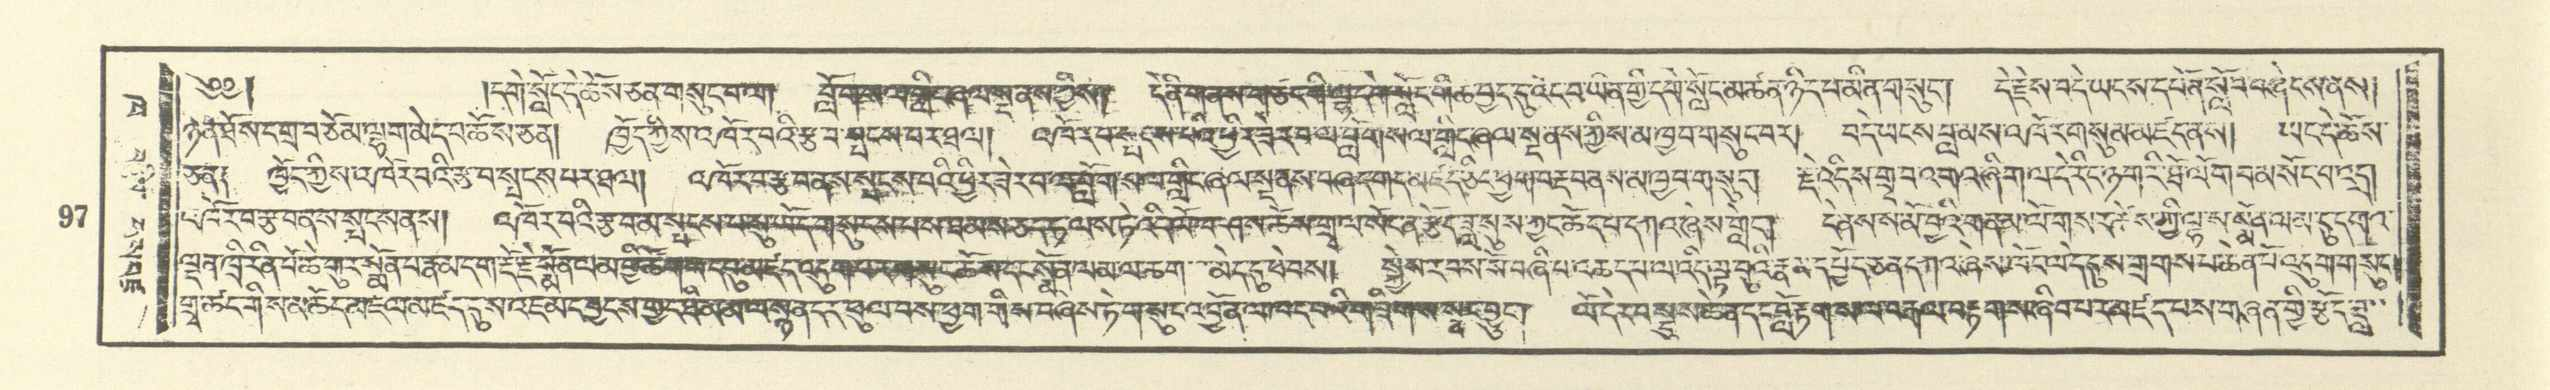༄༅། །དགེ་སློང་དེ་ཆོས་ཅན་གསུང་བ་ལ། བློ་གསལ་གླིང་ཞལ་སྔ་ནས་ཀྱིས། དེ་ནི་གནས་གཙང་གི་ལྷ་དགེ་སློང་གི་ཆ་བྱང་དུ་འོང་བ་ཡིན་གྱི་དགེ་སློང་མཚན་ཉིད་པ་མིན་གསུང་། དེ་རྗེས་བདེ་ཡངས་དཔོན་སློབ་བཞེངས་ནས།
ཉན་ཐོས་དགྲ་བཅོམ་ལྷག་མེད་པ་ཆོས་ཅན། ཁྱོད་ཀྱིས་འཁོར་བའི་རྩ་བ་སྤངས་བར་ཐལ། འཁོར་བ་སྤངས་པའི་ཕྱིར་ཟེར་བ་ལ་བློ་གསལ་གླིང་ཞལ་སྔ་ནས་ཀྱིས་མ་ཁྱབ་གསུང་བར། བདེ་ཡངས་བལ་མས་འཁོར་གསུམ་མཛད་ནས། ཡང་དེ་ཆོས་
ཅན༑ ཁྱོད་ཀྱིས་འཁོར་བའི་རྩ་བ་སྤངས་པར་ཐལ། འཁོར་བ་རྩ་བ་ནས་སྤངས་པའི་ཕྱིར་ཟེར་བ་ལ་བློ་གསལ་གླིང་ཞལ་སྔ་ནས་བཞད་གད་མཛད་ཅིང་ཕྱག་བརྡབ་ནས་མ་ཁྱབ་གསུང་། རྗེ་འདིས་གྲྭ་པ་འགའ་ཞིག་ལ་དེ་རིང་ཉག་རི་ཐོ་ལོག་ཕམ་སོང་བ་འདྲ།
འཁོར་བརྩ་བ་ནས་སྤངས་ནས། འཁོར་བའི་རྩ་བ་མ་སྤངས་པ་སུ་ཡོད་གསུངས་པས་ཐམས་ཅད་ཧ་ལས་ཏེ་འདི་ལོ་ཁ་ཤས་ཆོས་གྲྭ་ལ་སོང་ན་རྩོད་ཟླ་སུས་ཀྱང་ཆོད་པ་དཀའ་ཞེས་གླེང་། དེ་ནས་ས་མོ་བྱའི་གནམ་ལོ་གསར་ཚེས་ཀྱི་ལྷ་ས་སྨོན་ལམ་དུ་དགའ་
ལྡན་ཁྲི་རིན་པོ་ཆེ་གུར་སྨོན་པ་རྣམ་དག་རྡོ་རྗེ་སྨོན་ལམ་གྱི་ཚོགས་དབུ་མཛད་འདུག་བར་གསུང་ཆོས་དང་སྨོན་ལམ་ལ་ཆག་མེད་དུ་ཕེབས། སྐྱེས་རབས་སོ་བཞི་པ་འཆད་པ་ལ་འདི་ལྟ་བུའི་རྣམ་དཔྱོད་ཅན་དཀའ་ཞེས་ཁོང་ལ་དེ་དུས་གྲགས་པ་ཆེན་པོ་འདུག་གསུང་།
གྲྭ་ཚང་གིས་མཆོད་མཇལ་མཛད་དུས་འཇམ་དབྱངས་གྱང་ཐིམ་མ་ལ་སྙན་དར་ཕུལ་བས་ཕྱག་གིས་བཞེས་ཏེ་གསུང་འབྱོན་ལ་ཁང་པའི་གཟིགས་སྣང་བྱུང་། ལོ་དེར་བསྡུས་ཆེན་དང་བློ་རྟགས་ལ་བརྒལ་བརྟག་ས་ཞིབ་པར་མཛད་པས་གཞན་གྱི་རྩོད་ཟླ་